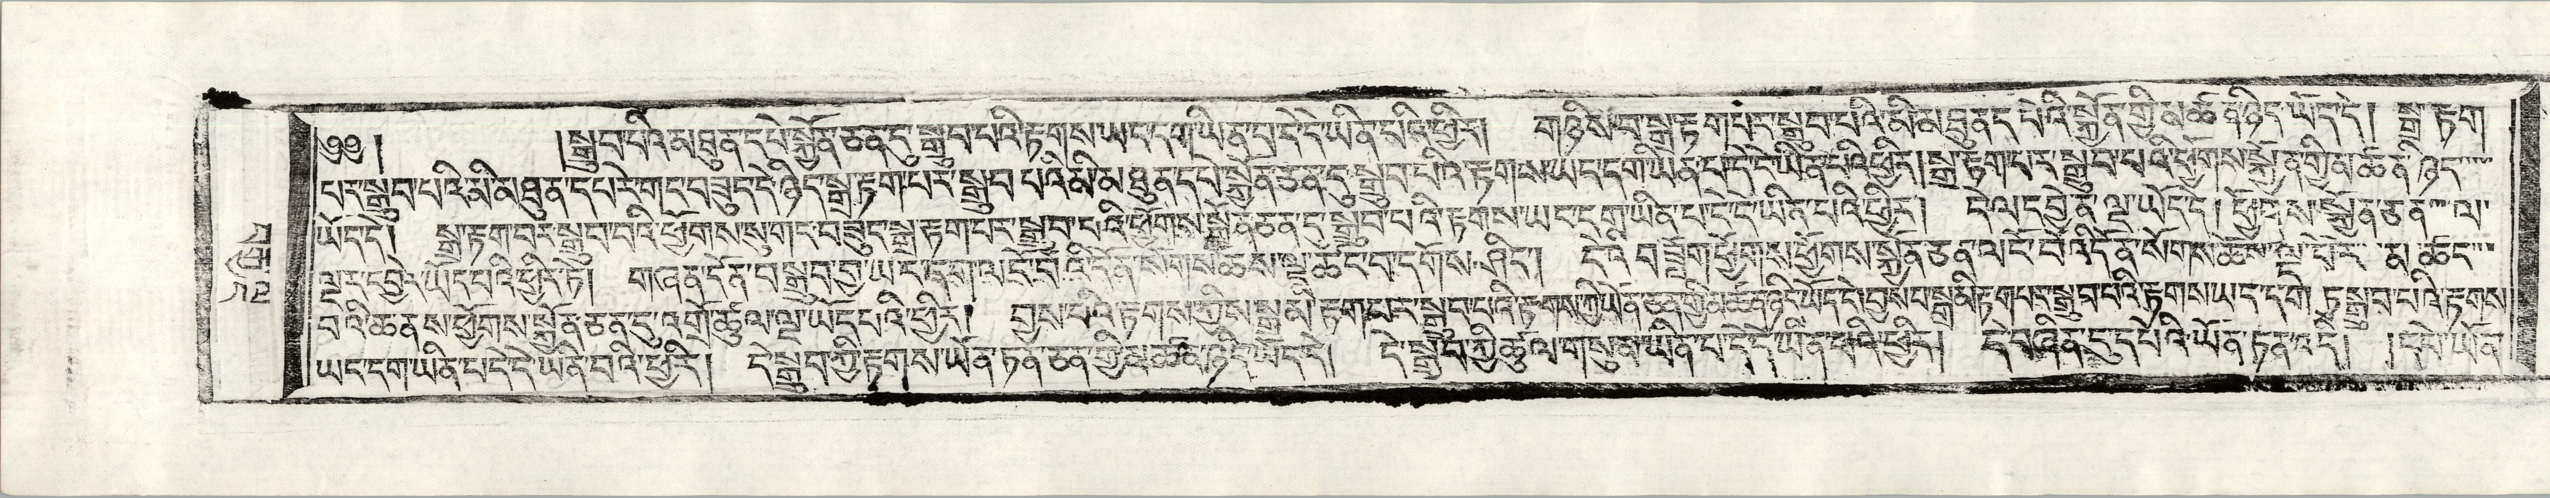༄༅། །སྒྲུབ་པའི་མཐུན་དཔེ་སྐྱོན་ཅན་དུ་སྒྲུབ་པའི་རྟགས་ཡང་དག་ཡིན་པ་དེ་ཡིན་པའི་ཕྱིར། གཉིས་པ་སྒྲ་རྟག་པར་སྒྲུབ་པའི་མི་མཐུན་དཔེའི་སྐྱོན་གྱི་མཚན་ཉིད་ཡོད་དེ། སྒྲ་རྟག་པར་སྒྲུབ་པའི་མི་མཐུན་དཔེར་གང་
བཟུང་དེ་ཉིད་སྒྲ་རྟག་པར་སྒྲུབ་པའི་མི་མཐུན་དཔེ་སྐྱོན་ཅན་དུ་སྒྲུབ་པའི་རཏགས་ཡང་དག་ཡིན་པ་དེ་དེ་ཡིན་པའི་ཕྱིར། སྒྲ་རྟག་པར་སྒྲུབ་པའི་ཕྱོགས་སྐྱོན་གྱི་མཚན་ཉིད་ཡོད་དེ། སྒྲ་རྟག་པར་སྒྲུབ་པའི་ཕྱོགས་སུ་གང་བཟུང་སྒྲ་རྟག་
པར་སྒྲུབ་པའི་ཕྱོགས་སྐྱོན་ཅན་དུ་སྒྲུབ་པའི་རྟགས་ཡང་དག་ཡིན་པ་དེ་དེ་ཡིན་པའི་ཕྱིར། དེ་ལ་དབྱེ་ན་ལྔ་ཡོད་དེ། ཕྱོགས་སྐྱོན་ཅན་ལ་སྔར་དབྱེར་ཡོད་པའི་ཕྱིར་ཏེ། གཞན་དོན་བསྒྲུབ་བྱ་ཡང་དག་ལ་ངོ་བོའི་དོན་སོགས་ཆོས་
ལྔ་ཚང་བ་དགོས་ཤིང་། དེའི་བཟློག་ཕྱོགས་ཕྱོགས་སྐྱོན་ཅན་ལ་ངོ་བོའི་དོན་སོགས་ཆོས་ལྔ་བོར་མ་ཚང་བའི་ཆ་ནས་ཕྱོགས་སྐྱོན་ཅན་དུ་འགྲོ་ཚུལ་ལྔ་ཡོད་པའི་ཕྱིར། བྱས་པའི་རྟགས་ཀྱིས་སྒྲ་མི་རྟག་པར་སྒྲུབ་པའི་རྟགས་ཀྱི་ཡོན་ཏན་ཅན་གྱི་
མཚན་ཉིད་ཡོད་དེ། བྱས་པ་སྒྲ་མི་རྟག་པར་སྒྲུབ་པའི་རྟགས་ཡང་དག་ཏུ་སྒྲུབ་པའི་རྟགས་ཡང་དག་ཡིན་པ་དེ་དེ་ཡིན་པའི་ཕྱིར། དེ་སྒྲུབ་ཀྱི་རྟགས་ཡོན་ཏན་ཅན་གྱི་མཚན་ཉིད་ཡོད་དེ། དེ་སྒྲུབ་ཀྱི་ཚུལ་གསུམ་ཡིན་པ་དེ་དེ་ཡིན་
པའི་ཕྱིར། དེ་བཞིན་དུ་དཔེའི་ཡོན་ཏན་དང་། །དཔེ་ཡོན་